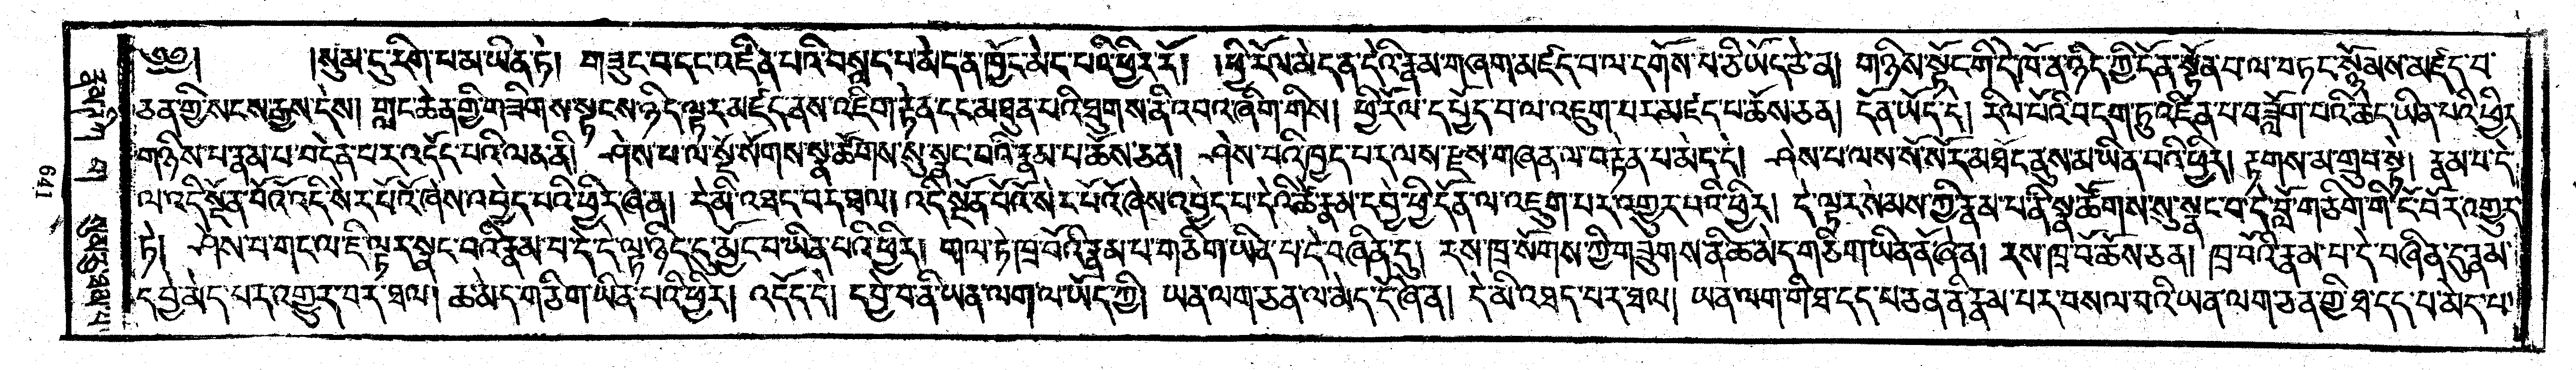༄༅། །སུམ་དུ་རིག་པ་མ་ཡིན་ཏེ། གཟུང་བ་དང་འཛིན་པའི་བསླད་པ་མེད་ན་ཁྱོད་མེད་པའི་ཕྱིར་རོ། །ཕྱི་རོལ་མེད་ན་དེའི་རྣམ་གཞག་མཛད་བ་ལ་དགོས་པ་ཅི་ཡོད་ཅེ་ན། གཉིས་སྟོང་གི་དེ་ཁོ་ན་ཉིད་ཀྱི་དོན་སྟོན་པ་ལ་བཏང་སྙོམས་མཛད་པ་
ཅན་གྱི་སངས་རྒྱས་དེས། གླང་ཆེན་གྱི་གཟིགས་སྟངས་ཉིད་ལྟར་མཛད་ནས་འཇིག་རྟེན་དང་མཐུན་པའི་ཐུགས་ནི་འབའ་ཞིག་གིས། ཕྱི་རོལ་དཔྱོད་པ་ལ་འཇུག་པར་མཛད་པ་ཆོས་ཅན། དོན་ཡོད་དེ། རིལ་བོའི་བདག་ཏུ་འཛིན་པ་བཟློག་པའི་ཆེད་ཡིན་པའི་ཕྱིར་
གཉིས་པ་རྣམ་པ་བདེན་པར་འདོད་པའི་ལན་ནི། ཤེས་པ་ལ་སྔོ་སོགས་སྣ་ཚོགས་སུ་སྣང་བའི་རྣམ་པ་ཆོས་ཅན། ཤེས་པའི་ཁྱད་པར་ལས་རྫས་གཞན་ལ་བརྟེན་པ་མེད་དེ། ཤེས་པ་ལས་སོ་སོར་མཐོང་ནུས་མ་ཡིན་པའི་ཕྱིར། རྟགས་མ་གྲུབ་སྟེ། རྣམ་པ་དེ་
ལ་འདི་སྔོན་པོའོ་འདི་སེར་བོའོ་ཞེས་འབྱེད་པའི་ཕྱིར་ཞེ་ན། དེ་མི་འཐད་པར་ཐལ། འདི་སྔོན་པོའོ་སེར་པོའོ་ཞེས་འབྱེད་པ་དེའི་ཚེ་རྣམ་དབྱེ་ཕྱི་དོན་ལ་འཇུག་པར་འགྱུར་པའི་ཕྱིར། དེ་ལྟར་སེམས་ཀྱི་རྣམ་པ་ནི་སྣ་ཚོགས་སུ་སྣང་བ་དེ་བློ་གཅིག་གི་ངོ་བོར་འགྱུར་
ཏེ། ཤེས་པ་གང་ལ་ཇི་ལྟར་སྣང་བའི་རྣམ་པ་དེ་དེ་ལྟ་ཉིད་དུ་མྱོང་བ་ཡིན་པའི་ཕྱིར། གལ་ཏེ་ཁྲ་བོའི་རྣམ་པ་གཅིག་ཡིན་པ་དེ་བཞིན་དུ། རས་ཁྲ་སོགས་ཀྱི་གཟུགས་ནི་ཆ་མེད་གཅིག་ཡིན་ནོ་ཞེ་ན། རས་ཁྲ་བོ་ཆོས་ཅན། ཁྲ་བོའི་རྣམ་པ་དེ་བཞིན་དུ་རྣམ་
དབྱེ་མེད་པར་འགྱུར་བར་ཐལ། ཆ་མེད་གཅིག་ཡིན་པའི་ཕྱིར། འདོད་དེ། དབྱེ་བ་ནི་ཡན་ལག་ལ་ཡོད་ཀྱི། ཡན་ལག་ཅན་ལ་མེད་དོ་ཞེ་ན། དེ་མི་འཐད་པར་ཐལ། ཡན་ལག་གི་ཐ་དད་པ་ཅན་ནི་རྣམ་པར་བསལ་བའི་ཡན་ལག་ཅན་གྱི་ཐ་དད་པ་མེད་པ་